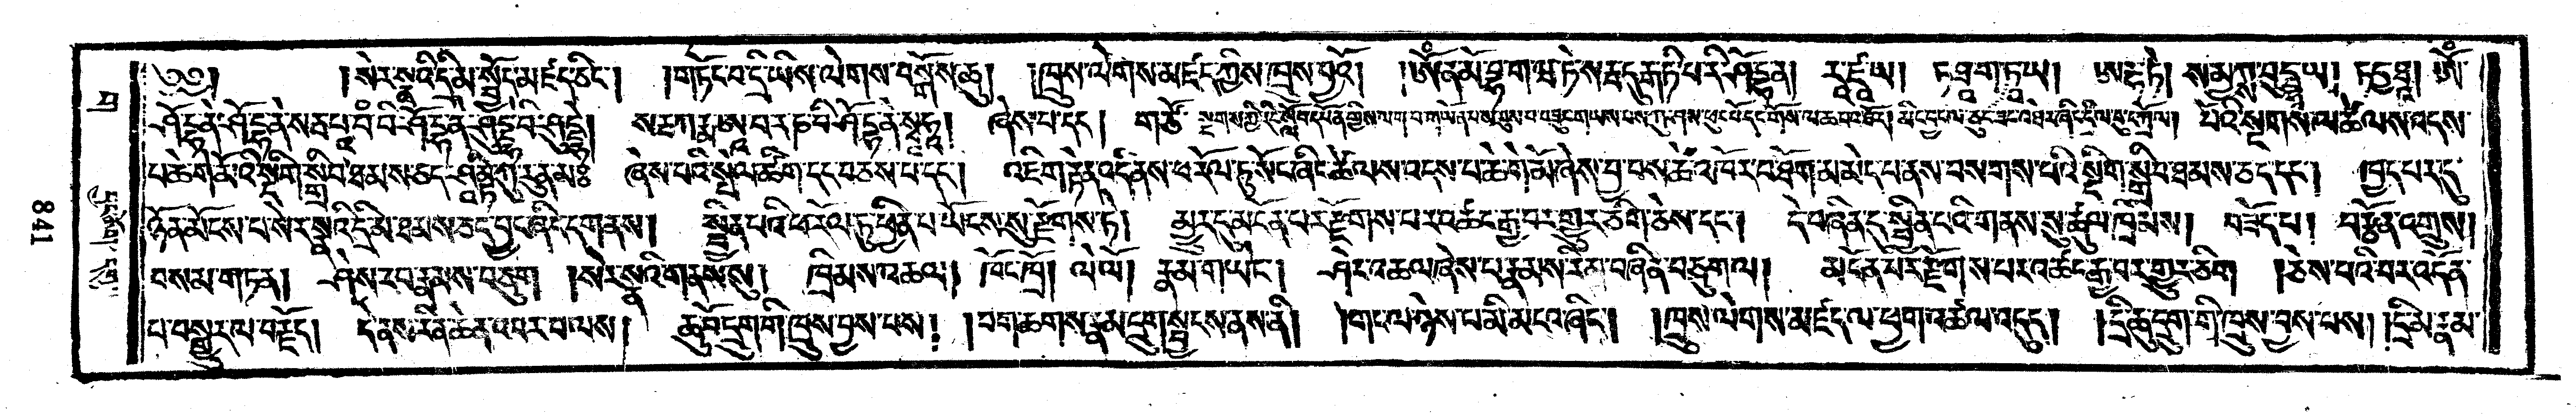༄༅། །སེར་སྣའི་དྲི་མ་སྦྱོད་མཛད་ཅིང་། །གཏོང་བ་དྲི་ཡིས་ལེགས་བསྒོས་ཆུ། །ཁྲུས་ལེགས་མཛད་ཀྱིས་ཁྲུས་བྱའོ། །ཨོཾ་ན་མོ་བྷ་ག་ཝ་ཏེ་སརྦ་དུ་རྒ་ཏི་པ་རི་ཤོ་དྷ་ན། རཱ་ཛཱ་ཡ། ཏ་ཐཱ་ག་ཏཱ་ཡ། ཨརྷ་ཏེ། ས་མྱཀྶ་བུདབྷཱ་ཡ། ཏདྱ་ཐཱ། ཨོཾ་
ཤོ་དྷ་ནེ་ཤོ་དྷ་ནེ་སརྦ་པཱ་བཾ་བི་ཤོདྷ་ན་ཤུདྡྷ་བི་ཤུདྡྷེ། སརྦ་ཀརྨ་ཨཱ་བར་ཎ་བི་ཤོ་དྷ་ནེ་སྭཱཧཱ། ཞེས་པ་དང་། གཙོ་སྔགས་ཀྱི་རིང་སློབ་དཔོན་གྱིས་ལག་བ་གཡོན་པས་བུམ་པ་བཟུང་གཡས་པས་ཀུ་ཤས་ཕུང་པོ་དང་གོས་ལ་ཆབ་འཐོར། མིང་བྱངས་ཅུང་ཟང་འཐེར་ཞིང་དྲིལ་བུ་དཀྲོལ།  པོའི་སྔགས་ལ་ཚེ་ལས་འདས།
པ་ཆེ་གེ་མོའི་སྡིག་སྒྲིབ་ཐམས་ཅད་ཤཱམྟི་ཀུ་རུ་ན་མཿ ཞེས་པའི་སྤེལ་ཚིག་དང་བཅས་པ་དང་། འཇིག་རྟེན་འདི་ནས་ཕ་རོལ་ཏུ་སོང་ཞིང་ཚེ་ལས་འདས་པ་ཆེ་གེ་མོ་ཞེས་བྱ་བས་ཚེ་འཁོར་བ་ཐོག་མ་མེད་པ་ནས་བསགས་པའི་སྡིག་སྒྲིབ་ཐམས་ཅད་དང་། ཁྱད་པར་དུ་
ཉོན་མོངས་པ་སེར་སྣའི་དྲི་མ་ཐམས་ཅད་བྱང་ཞིང་དག་ནས། སྦྱིན་པའི་ཕ་རོལ་ཏུ་ཕྱིན་པ་ཡོངས་སུ་རྫོགས་ཏེ། མྱུར་དུ་མངོན་པར་རྫོགས་པར་འཚང་རྒྱ་བར་གྱུར་ཅིག་ཅེས་དང་། དེ་བཞིན་དུ་སྦྱིན་པའི་གནས་སུ་ཚུལ་ཁྲིམས། བཟོད་པ། བརྩོན་འགྲུས།
བསམ་གཏན། ཤེས་རབ་རྣམས་བཅུག །སེར་སྣའི་གནས་སུ། ཁྲིམས་འཆལ། ཁོང་ཁྲོ། ལེ་ལོ། རྣམ་གཡེང་། ཤེར་འཆལ་ཞེས་པ་རྣམས་རིམ་བཞིན་བཅུག་ལ། མངོན་པར་རྫོགས་པར་འཚང་རྒྱ་བར་གྱུར་ཅིག །ཅེས་པའི་བར་འདོན་
པ་བསྒྱུར་ལ་བརྗོད། དེ་ནས་རིན་ཆེན་འབར་བ་ལས། ཆུ་བོ་དྲུག་གི་ཁྲུས་བྱས་པས། བག་ཆགས་རྣམ་དྲུག་སྦྱངས་ནས་ནི། །གང་ལ་ཉེས་པ་མི་མངའ་ཞིང་། །ཁྲུས་ལེགས་མཛད་ལ་ཕྱག་འཚལ་འདུད། །དྲི་ཆུ་དྲུག་གི་ཁྲུས་བྱས་པས། །དྲི་མ་རྣམ་